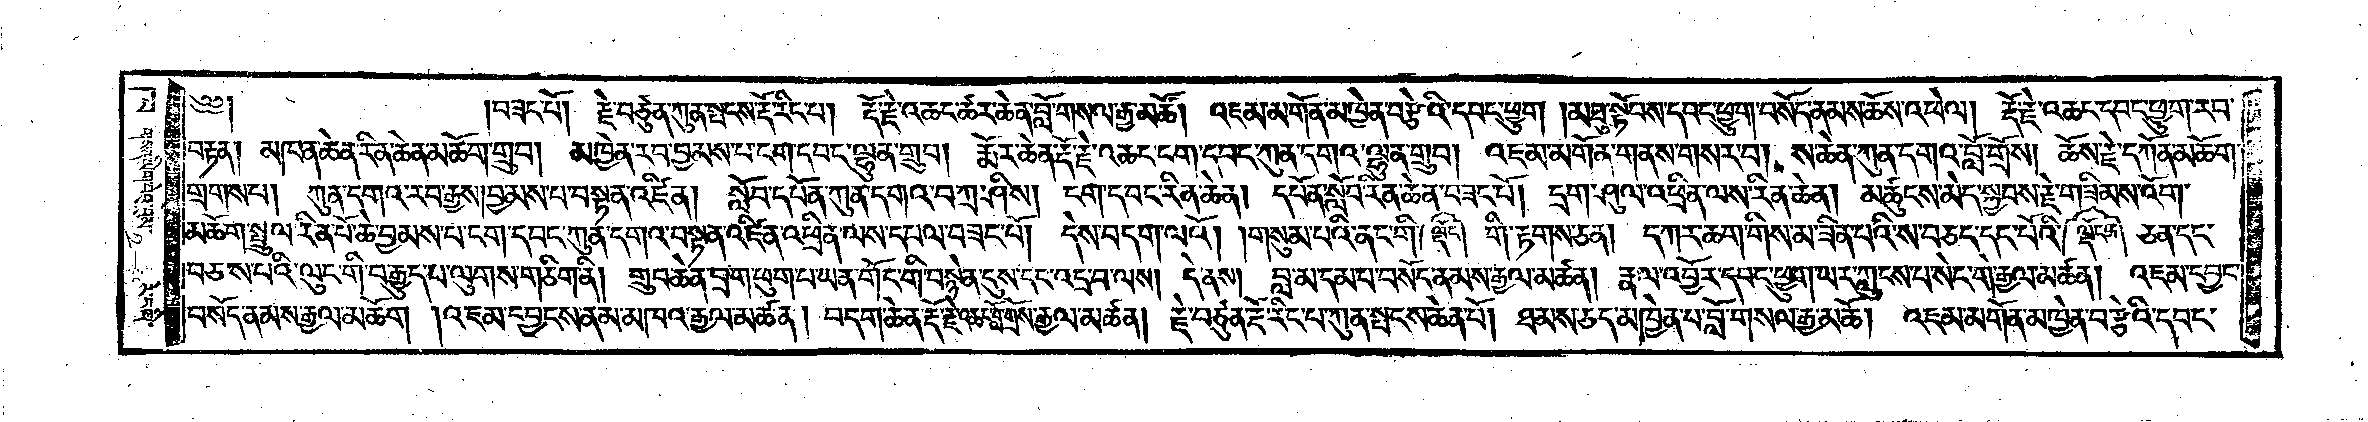༄༅། །བཟང་པོ། རྗེ་བཙུན་ཀུན་སྤངས་རྡོ་རིང་པ། རྡོ་རྗེ་འཆང་ཚར་ཆེན་བློ་གསལ་རྒྱ་མཚོ། འཇམ་མགོན་མཁྱེན་བརྩེའི་དབང་ཕྱུག །མཐུ་སྟོབས་དབང་ཕྱུག་བསོད་ནམས་ཆོས་འཕེལ། རྡོ་རྗེ་འཆང་དབང་ཕྱུག་རབ་
བརྟན། མཁན་ཆེན་རིན་ཆེན་མཆོག་གྲུབ། མཁྱེན་རབ་བྱམས་པ་ངག་དབང་ལྷུན་གྲུབ། རྨོར་ཆེན་རྡོ་རྗེ་འཆང་ངག་དབང་ཀུན་དགའ་ལྷུན་གྲུབ། འཇམ་མགོན་གནས་གསར་བ། ས་ཆེན་ཀུན་དགའ་བློ་གྲོས། ཆོས་རྗེ་དཀོན་མཆོག་
གྲགས་པ། ཀུན་དགའ་རབ་རྒྱས། བྱམས་པ་བསྟན་འཛིན། སློབ་དཔོན་ཀུན་དགའ་བཀྲ་ཤིས། ངག་དབང་རིན་ཆེན། དཔོན་སློབ་རིན་ཆེན་བཟང་པོ། དྲག་ཤུལ་འཕྲིན་ལས་རིན་ཆེན། མཚུངས་མེད་སྐྱབས་རྗེ་གཟིམས་འོག་
མཆོག་སྤྲུལ་རིན་པོ་ཆེ་བྱམས་པ་ངག་དབང་ཀུན་དགའ་བསྟན་འཛིན་འཕྲིན་ལས་དཔལ་བཟང་པོ། དེས་བདག་ལའོ། །གསུམ་པའི་ནང་གི ༼ལྡོང༽ གི་རྟགས་ཅན། དཀར་ཆག་གིས་མ་ཟིན་པའི་ས་བཅད་དང་པོའི ༼ལྡོང༽ ཅན་དང་
བཅས་པའི་ལུང་གི་བརྒྱུད་པ་ལུགས་གཅིག་ནི། གྲུབ་ཆེན་བྲག་ཕུག་པ་ཡན་གོང་གི་བསྙེན་དུས་དང་འདྲ་བ་ལས། དེ་ནས། བླ་མ་དམ་པ་བསོད་ནམས་རྒྱལ་མཚན། རྣལ་འབྱོར་དབང་ཕྱུག་ཡར་ཀླུངས་པ་སེང་གེ་རྒྱལ་མཚན། འཇམ་དབྱངས་
བསོད་ནམས་རྒྱལ་མཆོག །འཇམ་དབྱངས་ནམ་མཁའ་རྒྱལ་མཚན། བདག་ཆེན་རྡོ་རྗེ་འཆང་བློ་གྲོས་རྒྱལ་མཚན། རྗེ་བཙུན་རྡོ་རིང་པ་ཀུན་སྤངས་ཆེན་པོ། ཐམས་ཅད་མཁྱེན་པ་བློ་གསལ་རྒྱ་མཚོ། འཇམ་མགོན་མཁྱེན་བརྩེའི་དབང་